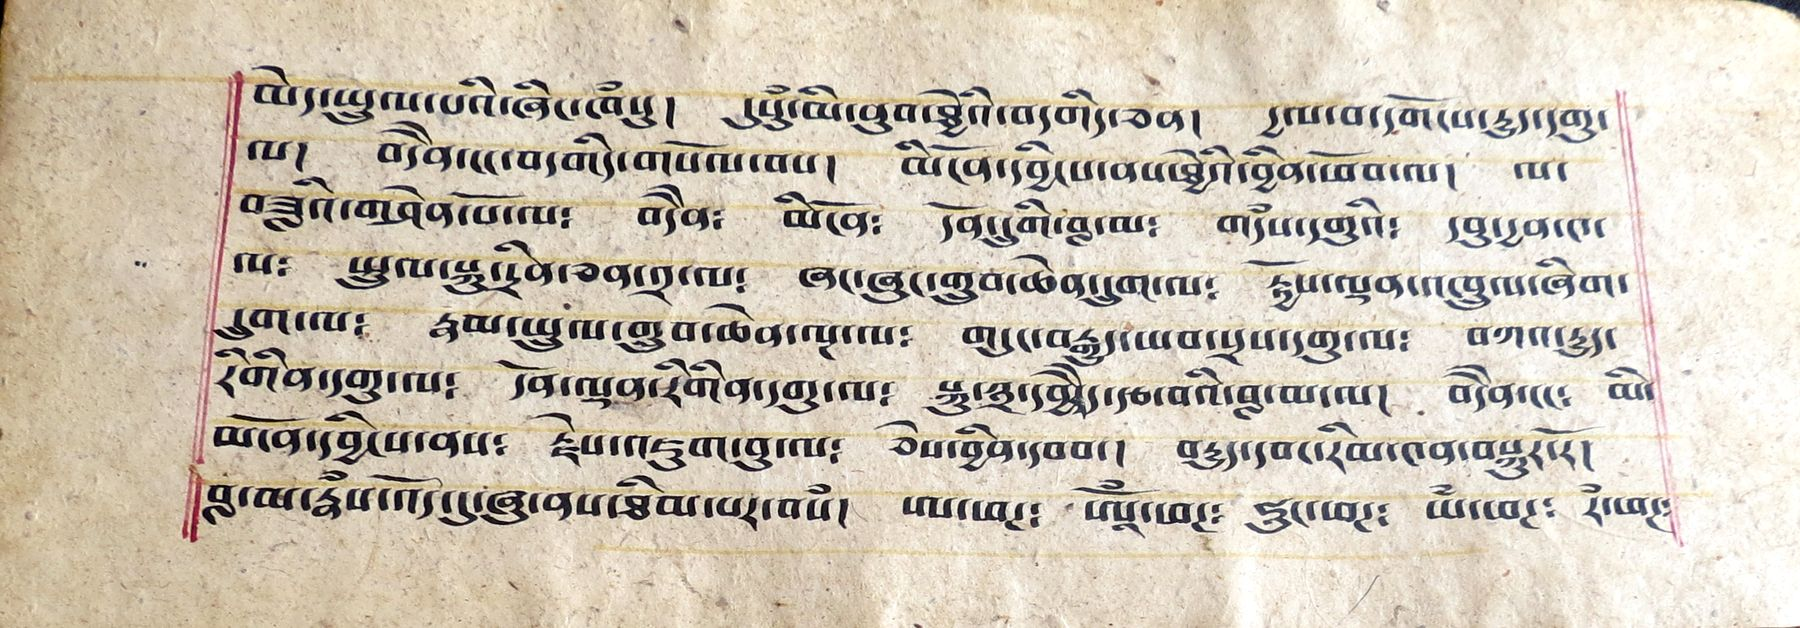མེད་སྤྲུལ་པའི་ཞིང་ཁམས་སུ། ། དུས་གསུམ་མི་ནུབ་ཐུགས་རྗེའི་བདག་ཉིད་ཅན། ། རྒྱལ་བ་དགོངས་རྒྱུད་དགུ་
ལ་གསོལ་བ་འདེབས། ། མི་མངོན་དབྱིངས་ནས་ཐུགས་རྗེས་བྱིན་ཕོབས་ལ།ལ་
བཟླའི་གཤེན་པོ་ལ། བདེ་ཆེན་ངང་དུ་བདག་ཉིད་གསོལ་བ་འདེབས། ། མི་མངོན་དབྱིངས་ནས་ཐུགས་རྗེས་བྱིན་ཕོབས་ཤིག། ། དོན་དྲུག་བླ་མ་དྲུག་ལ་གསོལ་བ་འདེབས། ། གདམས་དགུའི་བླ་མ་དགུ་ལ་གསོལ་བ་འདེབས། དབུ་རྒྱན་
བླ་མ་བཞི་ལ་གསོལ་བ་འདེབས། ། སྤྲུལ་སྐུ་དྲིན་ཅན་གཉིས་ལ་གསོལ་བ་འདེབས། ། ཞང་ཞུང་གྲུབ་ཆེན་དྲུག་ལ་གསོལ་བ་འདེབས། ། རྟོགས་ལྡན་འཁྲུལ་ཞིག་
དྲུག་ལ་གསོལ་བ་འདེབས། རྣམ་སྤྲུལ་གྲུབ་ཆེན་ལྔ་ལ་གསོལ་བ་འདེབས། གདུང་རྒྱུད་ཡབ་སྲས་དགུ་ལ་གསོལ་བ་འདེབས། ། བཀའ་རྒྱུད་
རིག་འཛིན་དགུ་ལ་གསོལ་བ་འདེབས། ། དོན་ལྡན་རིག་འཛིན་དགུ་ལ་གསོལ་བ་འདེབས། ། སྐུ་གསུམ་དབྱེར་མེད་རྩ་བའི་བླ་མ་ལ་གསོལ་བ་འདེབས། ། བདེ་ཆེན་ངང་དུ་བདག་ཉིད་གསོལ་བ་འདེབས། ། མི་
མངོན་དབྱིངས་ནས་ཐུགས་རྗེས་བྱིན་ཕོབས་ཤིག། རྗེས་འཇུག་བུ་ལ་དབང་བསྐུར་བྱིན་གྱིས་རློབས། ། ཅེས་བྱིན་དབབ། བརྒྱུད་དབང་རིམ་བཞིན་བསྐུར་རོ། ། 
བླ་མ་རྣམས་འོད་དུ་ཞུ་ནས་བདག་ལ་ཐིམ་པར་བསམ། ཨ་ཕཊཿ ཨཱོྃ་ཕཊཿ ཧཱུྃ་ཕཊཿ ཡྃ་ཕཊཿ རྃ་ཕཊཿ